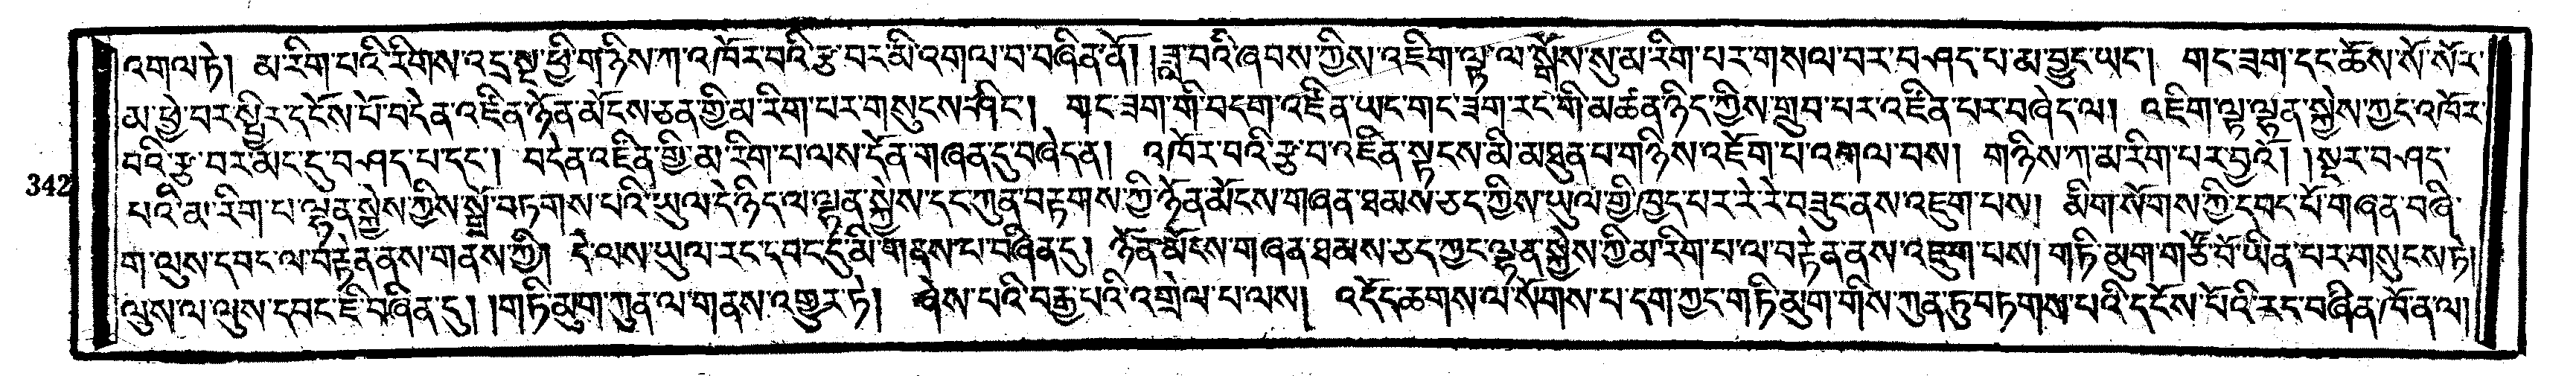འགལ་ཏེ། མ་རིག་པའི་རིགས་འདྲ་སྔ་ཕྱི་གཉིས་ཀ་འཁོར་བའི་རྩ་བར་མི་འགལ་བ་བཞིན་ནོ། །ཟླ་བའི་ཞབས་ཀྱིས་འཇིག་ལྟ་ལ་སྒོས་སུ་མ་རིག་པར་གསལ་བར་བཤད་པ་མ་བྱུང་ཡང་། གང་ཟག་དང་ཆོས་སོ་སོར་
མ་ཕྱེ་བར་སྤྱིར་དངོས་པོ་བདེན་འཛིན་ཉོན་མོངས་ཅན་གྱི་མ་རིག་པར་གསུངས་ཤིང་། གང་ཟག་གི་བདག་འཛིན་ཡང་གང་ཟག་རང་གི་མཚན་ཉིད་ཀྱིས་གྲུབ་པར་འཛིན་པར་བཞེད་ལ། འཇིག་ལྟ་ལྷན་སྐྱེས་ཀྱང་འཁོར་
བའི་རྩ་བར་མང་དུ་བཤད་པ་དང་། བདེན་འཛིན་གྱི་མ་རིག་པ་ལས་དོན་གཞན་དུ་བཞེད་ན། འཁོར་བའི་རྩ་བ་འཛིན་སྟངས་མི་མཐུན་པ་གཉིས་འཇོག་པ་འགལ་བས། གཉིས་ཀ་མ་རིག་པར་བྱའོ། །སྔར་བཤད་
པའི་མ་རིག་པ་ལྷན་སྐྱེས་ཀྱིས་སྒྲོ་བཏགས་པའི་ཡུལ་དེ་ཉིད་ལ་ལྷན་སྐྱེས་དང་ཀུན་བརྟགས་ཀྱི་ཉོན་མོངས་གཞན་ཐམས་ཅད་ཀྱིས་ཡུལ་གྱི་ཁྱད་པར་རེ་རེ་བཟུང་ནས་འཇུག་པས། མིག་སོགས་ཀྱི་དབང་པོ་གཞན་བཞི་
ག་ལུས་དབང་ལ་བརྟེན་ནས་གནས་ཀྱི། དེ་ལས་ཡུལ་རང་དབང་དུ་མི་གནས་པ་བཞིན་དུ། ཉོན་མོངས་གཞན་ཐམས་ཅད་ཀྱང་ལྷན་སྐྱེས་ཀྱི་མ་རིག་པ་ལ་བརྟེན་ནས་འཇུག་པས། གཏི་མུག་གཙོ་བོ་ཡིན་པར་གསུངས་ཏེ།
ལུས་ལ་ལུས་དབང་ཇི་བཞིན་དུ། །གཏི་མུག་ཀུན་ལ་གནས་འགྱུར་ཏེ། ཞེས་པའི་བརྒྱ་པའི་འགྲེལ་པ་ལས། འདོད་ཆགས་ལ་སོགས་པ་དག་ཀྱང་གཏི་མུག་གིས་ཀུན་ཏུ་བཏགས་པའི་དངོས་པོའི་རང་བཞིན་ཁོ་ན་ལ།